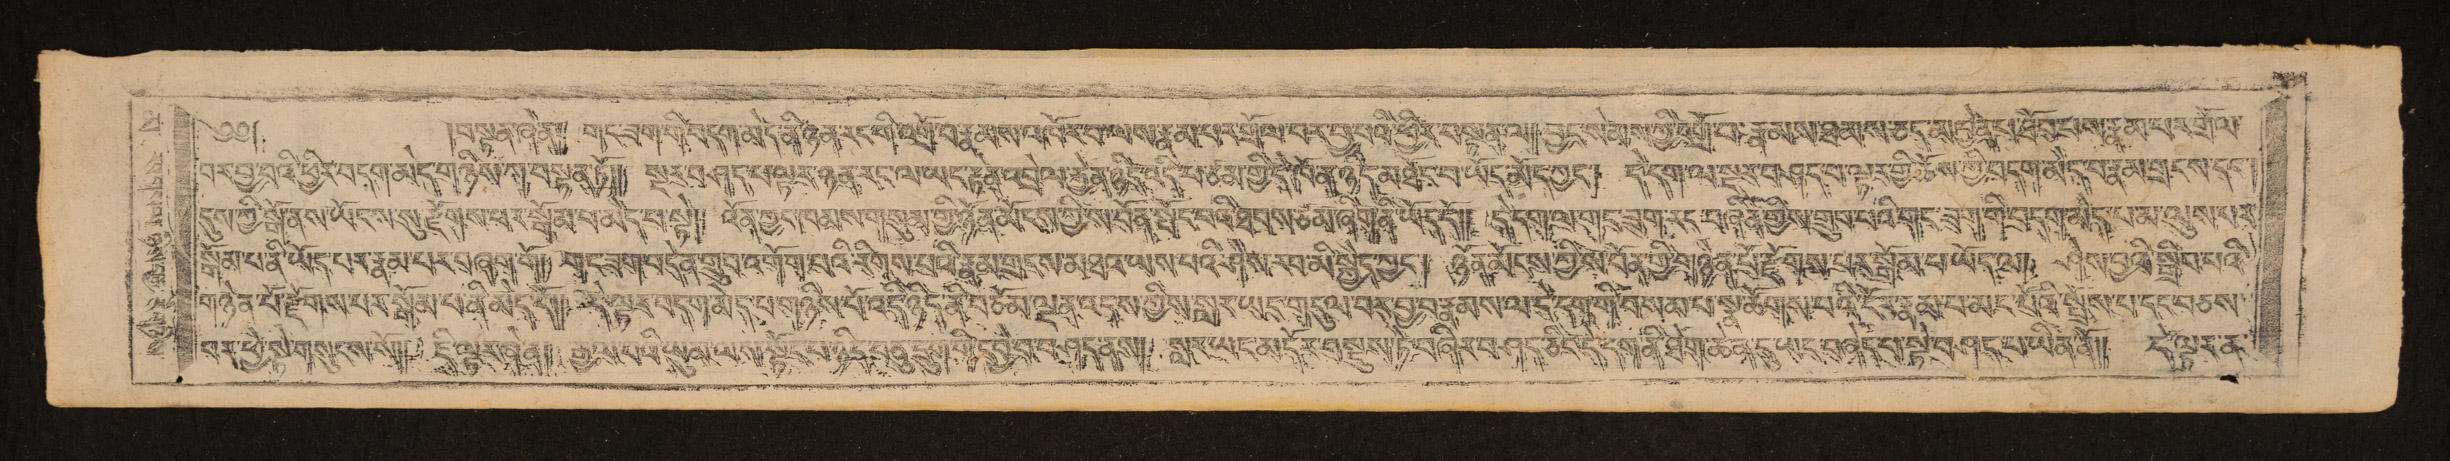༄༅། །བསྟན་ཞེ་ན། གང་ཟག་གི་བདག་མེད་ནི་ཉན་རང་གི་འགྲོ་བ་རྣམས་འཁོར་བ་ལས་རྣམ་པར་གྲོལ་བར་བྱ་བའི་ཕྱིར་བསྟན་ལ། བྱང་སེམས་ཀྱི་འགྲོ་བ་རྣམས་ཐམས་ཅད་མཁྱེན་པ་ཐོབ་པས་རྣམ་པར་གྲོལ་
བར་བྱ་བའི་ཕྱིར་བདག་མེད་གཉིས་ཀ་བསྟན་ཏོ།། སྔར་བཤད་པ་ལྟར་ཉན་རང་ལ་ཡང་རྟེན་འབྲེལ་རྐྱེན་ཉིད་འདི་པ་ཙམ་གྱི་དེ་ཁོ་ན་ཉིད་མཐོང་བ་ཡོད་མོད་ཀྱང་། དེ་དག་ལ་སྔར་བཤད་པ་ལྟར་གྱི་ཆོས་ཀྱི་བདག་མེད་པ་རྣམ་གྲངས་དང་།
དུས་ཀྱི་སྒོ་ནས་ཡོངས་སུ་རྫོགས་པར་སྒོམ་པ་མེད་པ་སྟེ། འོན་ཀྱང་ཁམས་གསུམ་གྱི་ཉོན་མོངས་ཀྱི་ས་བོན་སྤོང་བའི་ཐབས་ཙམ་ཞིག་ནི་ཡོད་དོ།། དེ་དག་ལ་གང་ཟག་རང་བཞིན་གྱིས་གྲུབ་པའི་གང་ཟག་གི་བདག་མེད་པ་མ་ལུས་པར་
སྒོམ་པ་ནི་ཡོད་པར་རྣམ་པར་གཞག་གོ། གང་ཟག་བདེན་གྲུབ་འགོག་པའི་རིགས་པའི་རྣམ་གྲངས་མཐའ་ཡས་པའི་ཤེས་རབ་མི་སྐྱེད་ཀྱང་། ཉོན་མོངས་ཀྱི་ས་བོན་གྱི་གཉེན་པོ་རྫོགས་པར་སྒོམ་པ་ཡོད་ལ། ཤེས་བྱའི་སྒྲིབ་པའི་
གཉེན་པོ་རྫོགས་པར་སྒོམ་པ་ནི་མེད་དོ།། དེ་ལྟར་བདག་མེད་པ་གཉིས་པོ་འདི་ཉིད་ནི་བཅོམ་ལྡན་འདས་ཀྱིས་སླར་ཡང་གདུལ་བར་བྱ་བ་རྣམས་ལ་དེ་དག་གི་བསམ་པ་སྣ་ཚོགས་པའི་ངོར་རྣམ་པ་མང་པོའི་སྤྲོས་པ་དང་བཅས་
པར་ཕྱེ་སྟེ་གསུངས་སོ།། ཇི་ལྟར་ཞེ་ན། རྒྱལ་བའི་ཡུམ་ལས་སྟོང་པ་ཉིད་བཅུ་དྲུག་གི་དབྱེ་བ་བཤད་ནས། སླར་ཡང་མདོར་བསྡུས་ཏེ་བཞིར་བཤད་ཅིང་དེ་དག་ནི་ཐེག་ཆེན་དུ་ཡང་བཞེད་པ་སྟེ་བཤད་པ་ཡིན་ནོ།། དེ་ལྟར་ན་